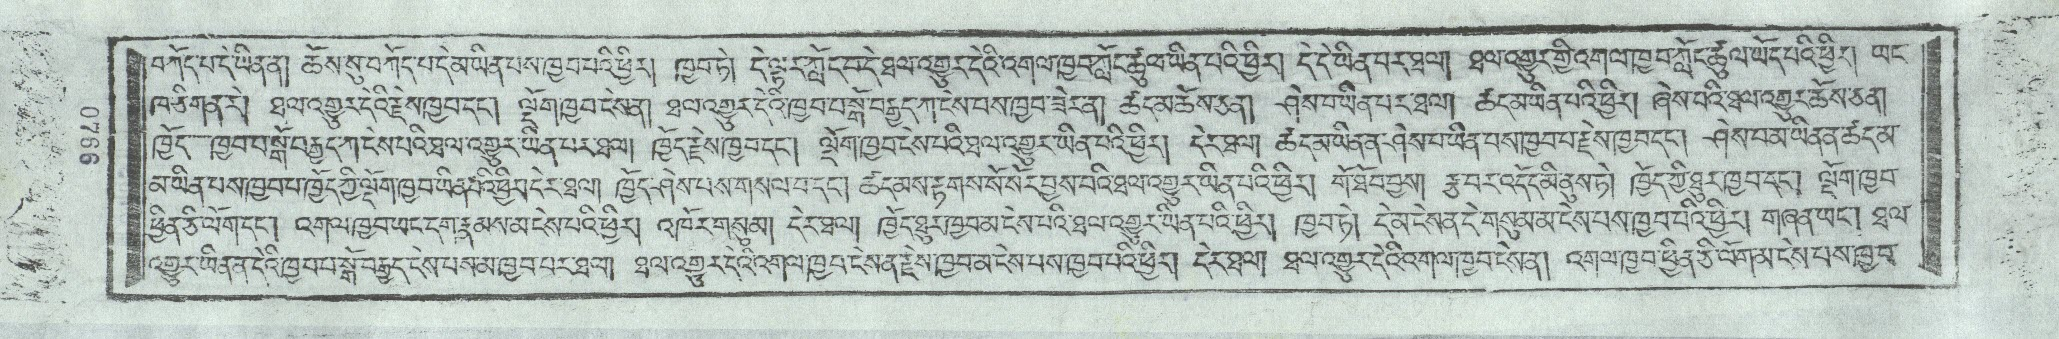བཀོད་པ་དེ་ཡིན་ན། ཆོས་སུ་བཀོད་པ་དེ་མ་ཡིན་པས་ཁྱབ་པའི་ཕྱིར། ཁྱབ་ཏེ། དེ་ལྟར་ཀློང་བདེ་ཐལ་འགྱུར་དེའི་འགལ་ཁྱབ་ཀློང་ཚུལ་ཡིན་པའི་ཕྱིར། དེ་དེ་ཡིན་པར་ཐལ། ཐལ་འགྱུར་གྱི་འགལ་ཁྱབ་ཀློང་ཚུལ་ཡོད་པའི་ཕྱིར། ཡང་
ཁ་ཅིག་ན་རེ། ཐལ་འགྱུར་དེའི་རྗེས་ཁྱབ་དང་། ལྡོག་ཁྱབ་ངེས་ན། ཐལ་འགྱུར་དེའི་ཁྱབ་བསྒོ་བརྒྱད་ཀ་ངེས་པས་ཁྱབ་ཟེར་ན། ཚད་མ་ཆོས་ཅན། ཤེས་པ་ཡིན་པར་ཐལ། ཚད་མ་ཡིན་པའི་ཕྱིར། ཞེས་པའི་ཐལ་འགྱུར་ཆོས་ཅན།
ཁྱོད་ཁྱབ་པ་སྒོ་བརྒྱད་ཀ་ངེས་པའི་ཐལ་འགྱུར་ཡིན་པར་ཐལ། ཁྱོད་རྗེས་ཁྱབ་དང་། ལྡོག་ཁྱབ་ངེས་པའི་ཐལ་འགྱུར་ཡིན་པའི་ཕྱིར། དེར་ཐལ། ཚད་མ་ཡིན་ན་ཤེས་པ་ཡིན་པས་ཁྱབ་པ་རྗེས་ཁྱབ་དང་། ཤེས་པ་མ་ཡིན་ན་ཚད་མ་
མ་ཡིན་པས་ཁྱབ་པ་ཁྱོད་ཀྱི་ལྡོག་ཁྱབ་ཡིན་པའི་ཕྱིར། དེར་ཐལ། ཁྱོད་ཤེས་པས་གསལ་བ་དང་། ཚད་མས་རྟགས་སོ་སོར་བྱས་པའི་ཐལ་འགྱུར་ཡིན་པའི་ཕྱིར། གོ་ཐོབ་བྱས། རྩ་བར་འདོད་མི་ནུས་ཏེ། ཁྱོད་ཀྱི་ཐར་ཁྱབ་དང་། ལྡོག་ཁྱབ་
ཕྱིན་ཅི་ལོག་དང་། འགལ་ཁྱབ་ཡང་དག་རྣམས་མ་ངེས་པའི་ཕྱིར། འཁོར་གསུམ། དེར་ཐལ། ཁྱོད་ཐུར་ཁྱབ་མ་ངེས་པའི་ཐལ་འགྱུར་ཡིན་པའི་ཕྱིར། ཁྱབ་ཏེ། དེ་མ་ངེས་ན་དེ་གསུམ་མ་ངེས་པས་ཁྱབ་པའི་ཕྱིར། གཞན་ཡང་། ཐལ་
འགྱུར་ཡིན་ན་དེའི་ཁྱབ་པ་སྒོ་བརྒྱད་ངེས་པས་མ་ཁྱབ་པར་ཐལ། ཐལ་འགྱུར་དེའི་འགལ་ཁྱབ་ངེས་ན་རྗེས་ཁྱབ་མ་ངེས་པས་ཁྱབ་པའི་ཕྱིར། དེར་ཐལ། ཐལ་འགྱུར་དེའི་འགལ་ཁྱབ་ངེས་ན། འགལ་ཁྱབ་ཕྱིན་ཅི་ལོག་མ་ངེས་པས་ཁྱབ་